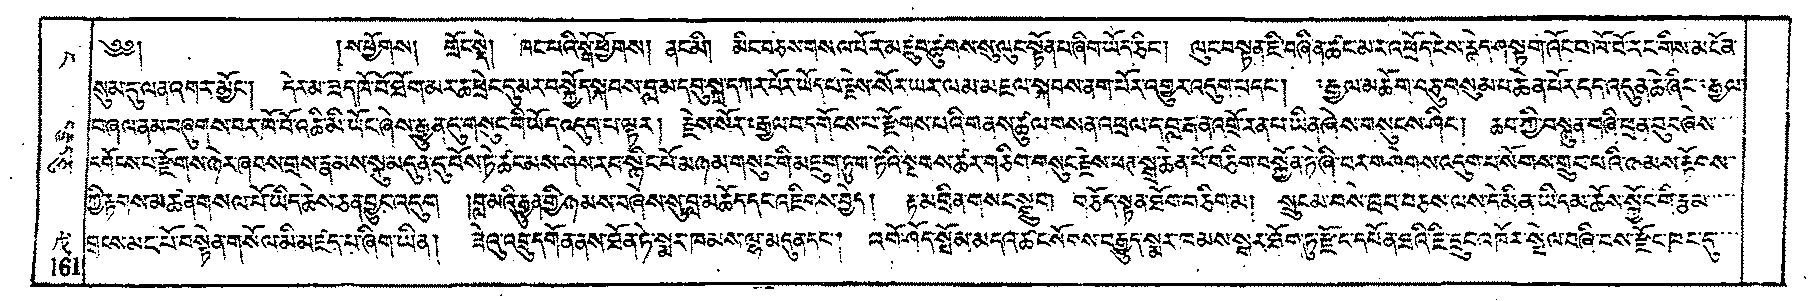༄༅། །ས་ཕྱོགས། གྲོང་སྡེ། ཁང་པའི་སྒོ་ཕྱོགས། ནང་མི། མིང་བཅས་གསལ་པོར་མཛུབ་ཚུགས་སུ་ལུང་སྟོན་པ་ཞིག་ཡོད་ཅིང་། ལུང་བསྟན་ཇི་བཞིན་ཚང་མ་ར་འཕྲོད་ངེས་རྙེད་ཤ་སྟག་འོང་བ་ཁོ་བོ་རང་གིས་མངོན་
སུམ་དུ་ལན་འགར་མྱོང་། དེར་མ་ཟད་ཁོ་བོ་ཐོག་མར་ཆ་ཕྲེང་དུ་མར་བསྐྱོད་སྐབས་བླ་མ་དབུ་སྐྲ་དཀར་པོར་ཡོད་པ་རྗེས་སོར་ཡར་ལམ་མཇལ་སྐབས་ནག་པོར་འགྱུར་འདུག་པ་དང་། ༧རྒྱལ་མཆོག་བཅུ་གསུམ་པ་ཆེན་པོར་དད་འདུན་ཆེ་ཞིང་༧རྒྱལ་
བ་ཞལ་ནམ་བཞུགས་བར་ཁོ་བོ་འཆི་མི་ཡོང་ཞེས་རྒྱུན་དུ་གསུང་གི་ཡོད་འདུག་པ་ལྟར། རྗེས་སོར་༧རྒྱལ་བ་དགོངས་པ་རྫོགས་པའི་གནས་ཚུལ་གསན་འཕྲལ་ད་བླ་རྒན་འགྲོ་རན་པ་ཡིན་ཞེས་གསུངས་ཤིང་། ཆབ་ཀྱི་བསྙུན་གྷྯི་ཕྲན་བུ་བཞེས་
དགོངས་པ་རྫོགས་ཉེར་ཞབས་གྲས་རྣམས་སྐུ་མདུན་དུ་བོས་ཏེ་ཚང་མས་ཤེས་རབ་སྙིང་པོ་མཉམ་གསུང་གི་མཇུག་ཏུ་ག་ཏེའི་སྔགས་ཚར་གཅིག་གསུང་རྗེས་ཕཊ་སྒྲ་ཆེན་པོ་གཅིག་བསྐྱོན་ཏེ་ཞི་བར་གཤེགས་འདུག་པ་སོགས་གྲུབ་པའི་ཉམས་རྟོགས་
ཀྱི་རྟགས་མཚན་གསལ་པོ་ཡིད་ཆེས་ཅན་བྱུང་འདུག །བླ་མའི་རྒྱུན་གྱི་ཉམས་བཞེས་སུ་བླ་མཆོད་དང་འཇིགས་བྱེད། རྟ་མགྲིན་གསང་སྒྲུབ། གཅོད་སྟན་ཐོག་གཅིག་མ། སྲུང་མ་བསེ་ཁྲབ་བཅས་ལས་དེ་མིན་ཡི་དམ་ཆོས་སྐྱོང་གི་རྣམ་
གྲངས་མང་པོ་བསྟེན་གསོལ་མི་མཛད་པ་ཞིག་ཡིན། ཟེའུ་འབྲུ་དགོན་ནས་ཐོན་ཏེ་སྨར་ཁམས་ལྷ་མདུན་དང་། འགོ་ཤོད་སྤོམ་མདའ་ཚང་སོགས་བརྒྱུད་སྨར་ཁམས་སྒར་ཐོག་ཏུ་རྫོང་དཔོན་ཐའི་ཇི་དྲུང་འཁོར་སྤེལ་བཞི་བས་རྫོང་ཁང་དུ་